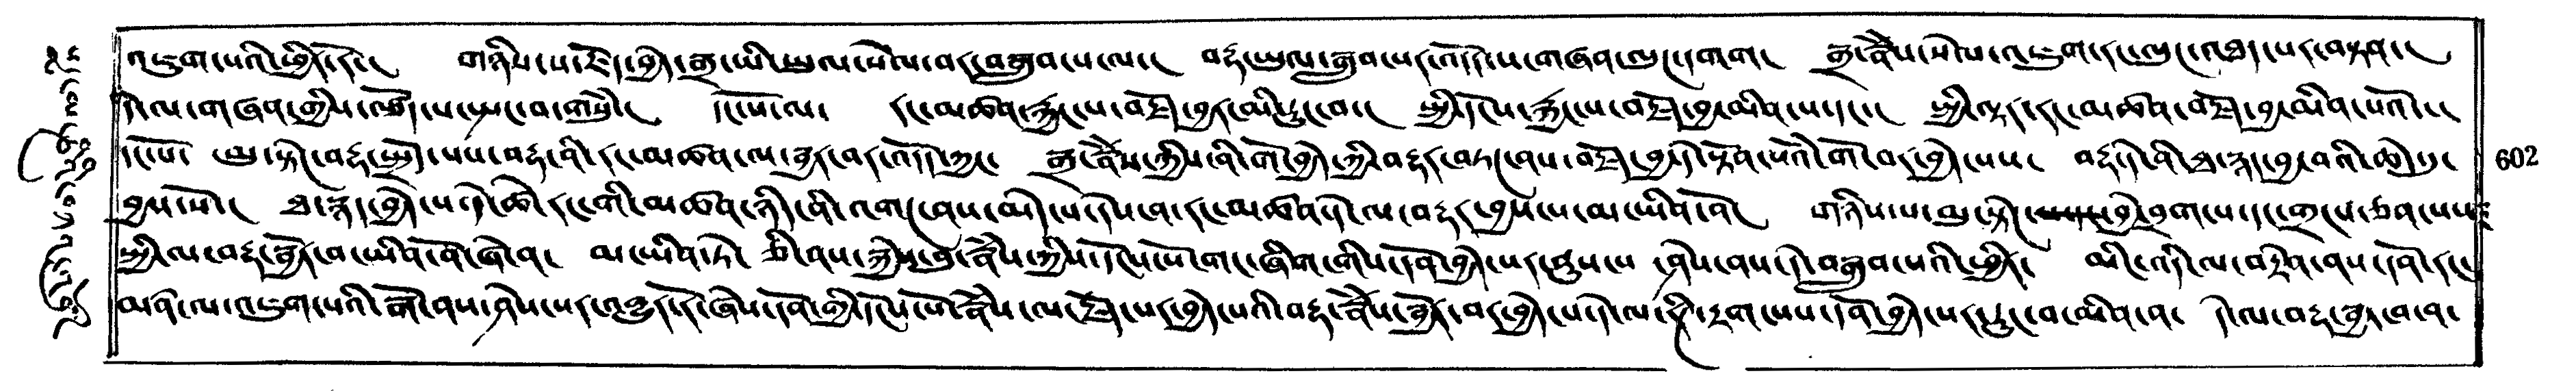འཇུག་པའི་ཕྱིར་རོ།། གཉིས་པ་རྗོད་བྱེད་སྒྲའི་ཡུལ་སེལ་བར་བསྒྲུབ་པ་ལ། བརྡ་ཡུལ་སྒྲུབ་པར་འདོད་པ་གཞན་ལུགས་དགག །སྒྲ་རྣམས་སེལ་འཇུག་རང་ལུགས་འཐད་པར་བསྟན། །
དེ་ལ་གཞན་གྱིས་རྩོད་པ་སྤོང་བ་གསུམ། །དང་པོ་ལ། རང་མཚན་རྐྱང་པ་བརྗོད་བྱར་མི་རུང་བ། །སྤྱི་དངོས་རྐྱང་པ་བརྗོད་བྱ་མིན་པ་དང་། །སྤྱི་ལྟར་རང་མཚན་བརྗོད་བྱ་མིན་པའོ། །
དང་པོ། མུ་སྟེགས་བརྡ་སྤྲོད་པས་བརྡ་ནི་རང་མཚན་ལ་སྦྱར་བར་འདོད་ཀྱང་། སྒྲ་རྣམས་ཀྱི་ནི་གོ་བྱེད་ཀྱི་བརྡར་བཏགས་ནས་བརྗོད་བྱ་དེ་སྟོན་པའམ་གོ་བར་བྱེད་པས། བརྡ་དེ་ནི་ཐ་སྙད་བྱ་བའི་ཆེད་དུ་
བྱས་སོ།། ཐ་སྙད་བྱེད་པ་དེ་ཚེ་རང་གི་མཚན་ཉིད་ནི་འགགས་ནས་མེད་པ་དེ་ན་རང་མཚན་དེ་ལ་བརྡར་བྱས་པ་མ་ཡིན་ནོ།། གཉིས་པ་མུ་སྟེགས་བྱེ་བྲག་པ་དང་གྲངས་ཅན་པས་
སྤྱི་ལ་བརྡ་སྦྱོར་བ་ཡིན་ནོ་ཞེ་ན། མ་ཡིན་ཏེ། ཅི་ནས་སྐྱེས་བུ་རྣམས་ཀྱིས་དངོས་པོ་གང་ཞིག་གིས་དོན་བྱེད་པར་ནུས་པ་ཤེས་ནས་དེ་བསྒྲུབ་པའི་ཕྱིར། མིང་འདི་ལ་བརྟེན་ནས་དོན་རང་
མཚན་ལ་འཇུག་པའི་སྒོ་ནས་ཤེས་པར་འགྱུར་རོ་ཞེས་དོན་གྱི་དངོས་པོ་རྣམས་ལ་རྗོད་པར་བྱེད་པའི་བརྡ་རྣམས་སྦྱོར་བར་བྱེད་པ་དེ་ལ་རིགས་རྟག་པས་དོན་བྱེད་པར་རུང་བ་མིན་ནོ།།དེ་ལ་བརྡ་སྦྱང་བ་ན་